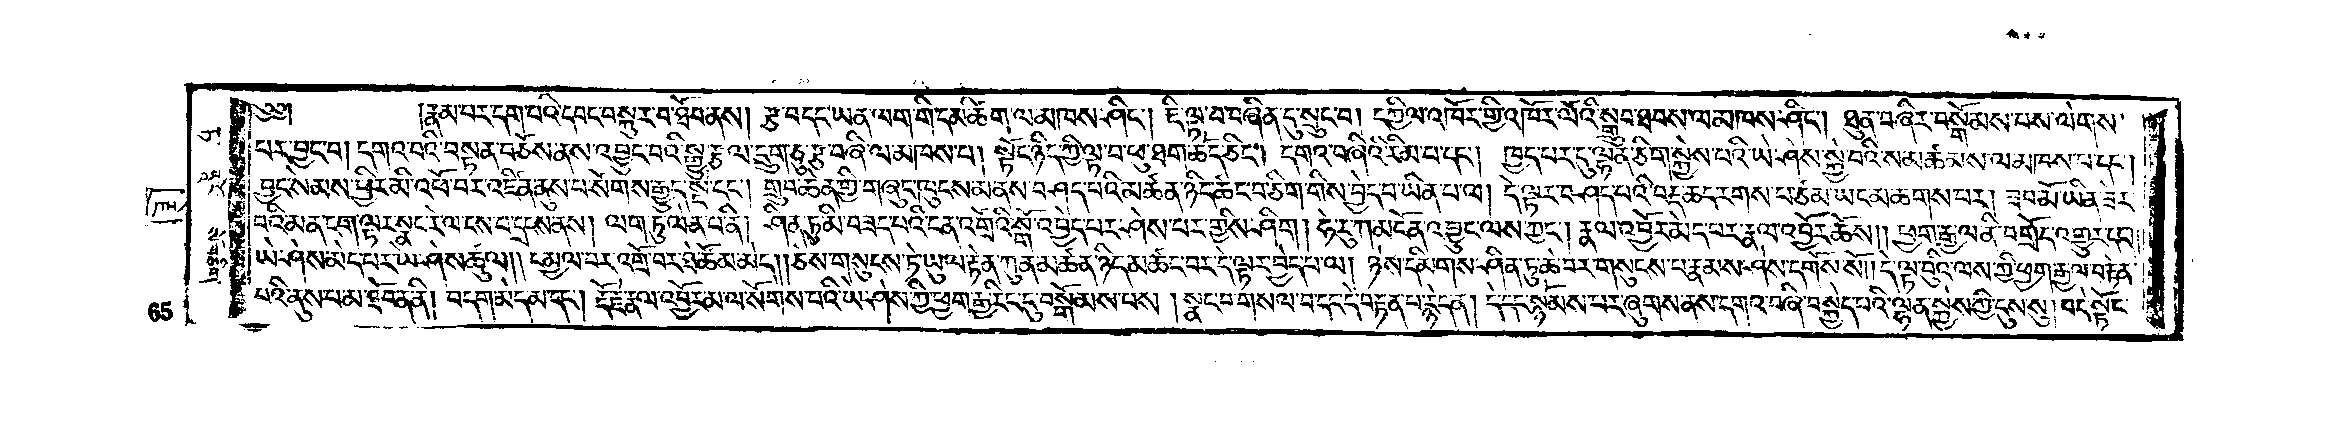༄༅། །རྣམ་པར་དག་པའི་དབང་བསྐུར་བ་ཐོབ་ནས། རྩ་བ་དང་ཡན་ལག་གི་དམ་ཚིག་ལ་མཁས་ཤིང་། ཇི་ལྟ་བ་བཞིན་དུ་སྲུང་བ། དཀྱིལ་འཁོར་གྱི་འཁོར་ལོའི་སྒྲུབ་ཐབས་ལ་མཁས་ཤིང་། ཐུན་བཞིར་བསྒོམས་པས་ལེགས་
པར་བྱང་བ། དགའ་བའི་བསྟན་བཅོས་ནས་འབྱུང་བའི་སྒྱུ་རྩལ་དྲུག་ཅུ་རྩ་བཞི་ལ་མཁས་པ། སྟོང་ཉིད་ཀྱི་ལྟ་བ་ཕུ་ཐག་ཆོད་ཅིང་། དགའ་བཞིའི་རིམ་པ་དང་། ཁྱད་པར་དུ་ལྷན་ཅིག་སྐྱེས་པའི་ཡེ་ཤེས་སྐྱེ་བའི་ས་མཚམས་ལ་མཁས་པ་དང་།
བྱང་སེམས་ཕྱིར་མི་འཕོ་བར་འཛིན་ནུས་པ་སོགས་རྒྱུད་སྡེ་དང་། གྲུབ་ཆེན་གྱི་གཞུང་ཁུངས་མ་ནས་བཤད་པའི་མཚན་ཉིད་ཚང་བ་ཅིག་གིས་བྱེད་པ་ཡིན་པ་ལ། དེ་ལྟར་བཤད་པའི་བརྡ་ཆད་རགས་པ་ཙམ་ཡང་མ་ཆགས་པར། ཟབ་མོ་ཡིན་ཟེར་
བའི་མན་ངག་ལྟར་སྣང་རེ་ལ་ངེས་པ་དྲངས་ནས། ལག་ཏུ་ལེན་པ་ནི། ཤིན་ཏུ་མི་བཟད་པའི་ངན་འགྲོའི་སྒོ་འབྱེད་པར་ཤེས་པར་གྱིས་ཤིག །ཧེ་རུ་ཀ་མངོན་འབྱུང་ལས་ཀྱང་། རྣལ་འབྱོར་མེད་པར་རྣལ་འབྱོར་ཆོས། །ཕྱག་རྒྱ་ལ་ནི་བགྲོད་འགྱུར་དང་། །
ཡེ་ཤེས་མེད་པར་ཡེ་ཤེས་ཚུལ། །དམྱལ་བར་འགྲོ་བར་ཐེ་ཚོམ་མེད། །ཅེས་གསུངས་ཏེ་ཡུལ་རྟེན་ཀུན་མཚན་ཉིད་མ་ཚང་བར་དེ་ལྟར་བྱེད་པ་ལ། ཉེས་དམིགས་ཤིན་ཏུ་ཆེ་བར་གསུངས་པ་རྣམས་ཤེས་དགོས་སོ། །དེ་ལྟ་བུའི་ལས་ཀྱི་ཕྱག་རྒྱ་ལ་བརྟེན་
པའི་ནུས་པ་མ་ཐོབ་ན་ནི། བདག་མེད་མ་དང་། རྡོ་རྗེ་རྣལ་འབྱོར་མ་ལ་སོགས་པའི་ཡེ་ཤེས་ཀྱི་ཕྱག་རྒྱ་རིང་དུ་བསྒོམས་པས། སྣང་བ་གསལ་བ་དང་དེ་བརྟན་པ་རྙེད་ན། དེ་དང་སྙོམས་པར་ཞུགས་ནས་དགའ་བཞི་བསྐྱེད་པའི་ལྷན་སྐྱེས་ཀྱི་དུས་སུ། བདེ་སྟོང་